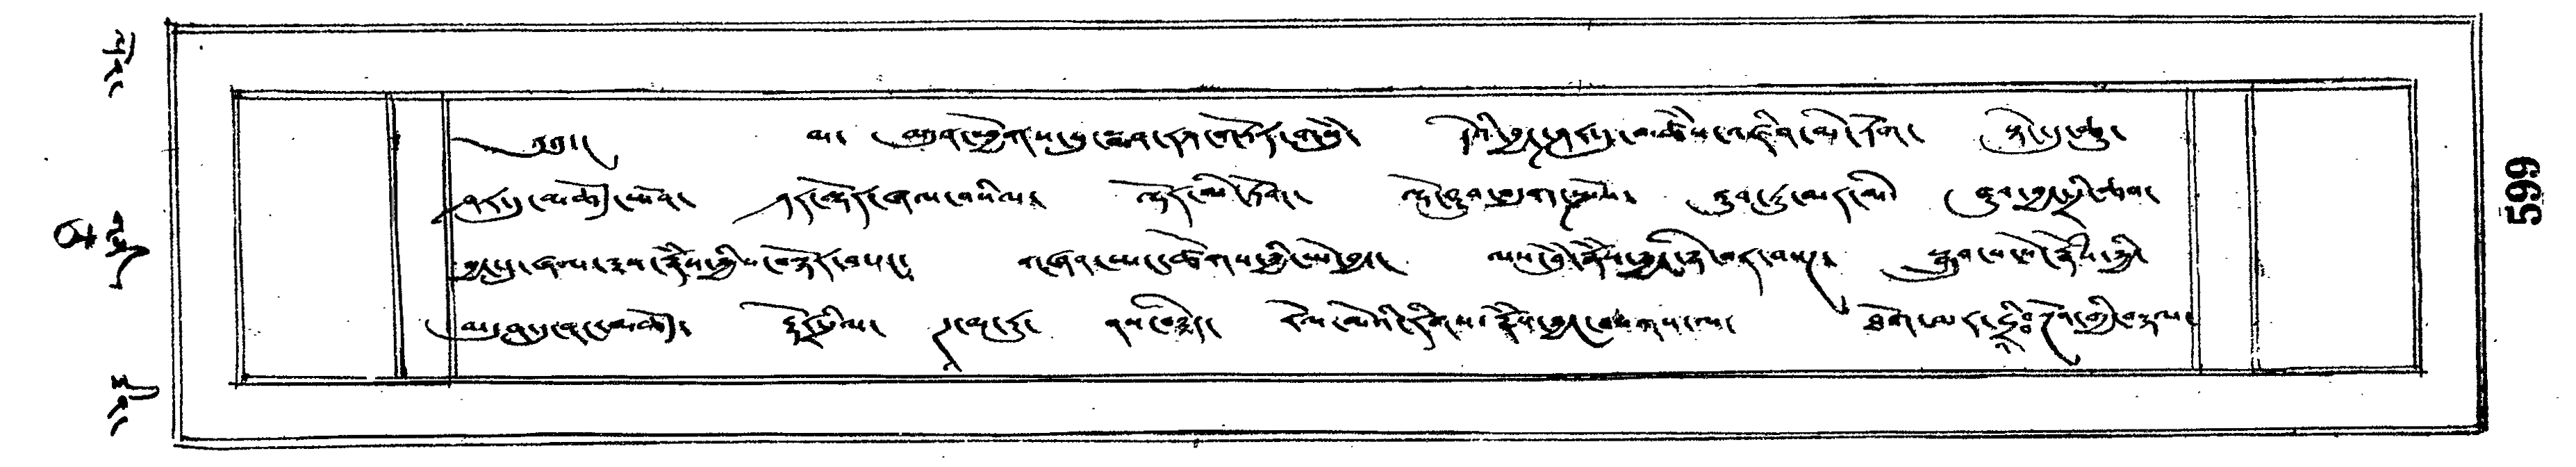མ། མདུན་ཕྱོགས་སུ་སྨན་རཀ་གཏོར་གསུམ། དེའི་བྱང་ཤར་དུ་མཚམས་འཛིན་མེ་ཏོག སྟེང་དུ་ཆུ། 
ཤར་དུ་མཆོད་ཡོན། ཤར་ལྷོར་ཞབས་བསིལ། ལྷོར་མེ་ཏོག ལྷོ་ནུབ་ཏུ་བདུག་སྤོས། ནུབ་ཏུ་མར་མེ། ནུབ་བྱང་དུ་དྲི་ཆབ། 
བྱང་དུ་ཞལ་ཟས་རྣམས་ཀྱིས་བསྐོར་བ་དང་། གཞན་ཡང་ཚོགས་ཀྱི་ཡོ་བྱད། ལས་བུམ་རྣམས་ཀྱང་ཉེ་བར་བསག སྒྲུབ་པ་པོ་རྣམས་ཀྱི་
མདུན་དུ་ནང་མཆོད། རྡོར་དྲིལ། ཌཱ་མ་རུ། ནས་བཟེད། རོལ་མོའི་རིགས་རྣམས་ཀྱང་བསགས་ལ། ཐོག་མར། ཧྲཱིཿསྔོན་གྱི་བསྐལ་པའི༴